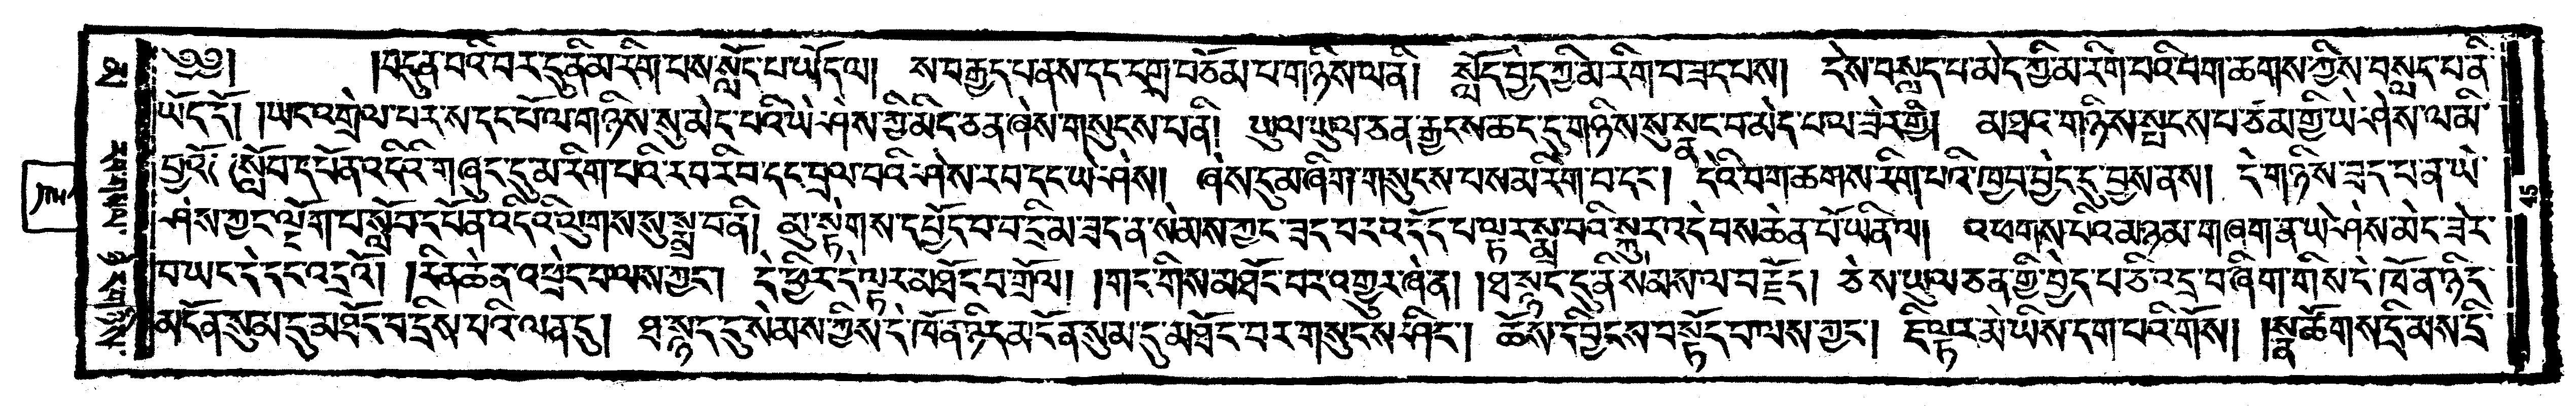༄༅། །བདུན་པའི་བར་དུ་ནི་མ་རིག་པས་སློད་པ་ཡོད་ལ། ས་བརྒྱད་པ་ནས་དང་དགྲ་བཅོམ་པ་གཉིས་ལ་ནི། སློང་བྱེད་ཀྱི་མ་རིག་པ་ཟད་པས། དེས་བསླད་པ་མེད་ཀྱི་མ་རིག་པའི་བག་ཆགས་ཀྱིས་བསླད་པ་ནི་
ཡོད་དོ། །ཡང་འགྲེལ་པར་ས་དང་པོ་ལ་གཉིས་སུ་མེད་པའི་ཡེ་ཤེས་ཀྱི་མིང་ཅན་ཞེས་གསུངས་པ་ནི། ཡུལ་ཡུལ་ཅན་རྒྱངས་ཆད་དུ་གཉིས་སུ་སྣང་བ་མེད་པ་ལ་ཟེར་གྱི། མཐའ་གཉིས་སྤངས་པ་ཙམ་གྱི་ཡེ་ཤེས་ལ་མི་
བྱའོ། །སློབ་དཔོན་འདིའི་གཞུང་དུ་མ་རིག་པའི་རབ་རིབ་དང་བྲལ་བའི་ཤེས་རབ་དང་ཡེ་ཤེས། ཞེས་དུ་མ་ཞིག་གསུངས་པས་མ་རིག་པ་དང་། དེའི་བག་ཆགས་རིག་པའི་ཁྱབ་བྱེད་དུ་བྱས་ནས། དེ་གཉིས་ཟད་པ་ན་ཡེ་
ཤེས་ཀྱང་ལྡོག་པ་སློབ་དཔོན་འདིའི་ལུགས་སུ་སྨྲ་བ་ནི། མུ་སྟེགས་དཔྱོད་པ་བ་དྲི་མ་ཟད་ན་སེམས་ཀྱང་ཟད་པར་འདོད་པ་ལྟར་སྨྲ་བའི་སྐུར་འདེབས་ཆེན་པོ་ཡིན་ལ། འཕགས་པའི་མཉམ་གཞག་ན་ཡེ་ཤེས་མེད་ཟེར་
བ་ཡང་དེ་དང་འདྲའོ། །རིན་ཆེན་ཕྲེང་བ་ལས་ཀྱང་། དེ་ཕྱིར་དེ་ལྟར་མཐོང་བ་གྲོལ། །གང་གིས་མཐོང་བར་འགྱུར་ཞེ་ན། །ཐ་སྙད་དུ་ནི་སེམས་ལ་བརྗོད། །ཅེས་ཡུལ་ཅན་གྱི་བྱེད་པ་ཅི་འདྲ་བ་ཞིག་གིས་དེ་ཁོ་ན་ཉིད་
མངོན་སུམ་དུ་མཐོང་བ་དྲིས་པའི་ལན་དུ། ཐ་སྙད་དུ་སེམས་ཀྱིས་དེ་ཁོ་ན་ཉིད་མངོན་སུམ་དུ་མཐོང་བར་གསུངས་ཤིང་། ཆོས་དབྱིངས་བསྟོད་པ་ལས་ཀྱང་། ཇི་ལྟར་མེ་ཡིས་དག་པའི་གོས། །སྣ་ཚོགས་དྲི་མས་དྲི་